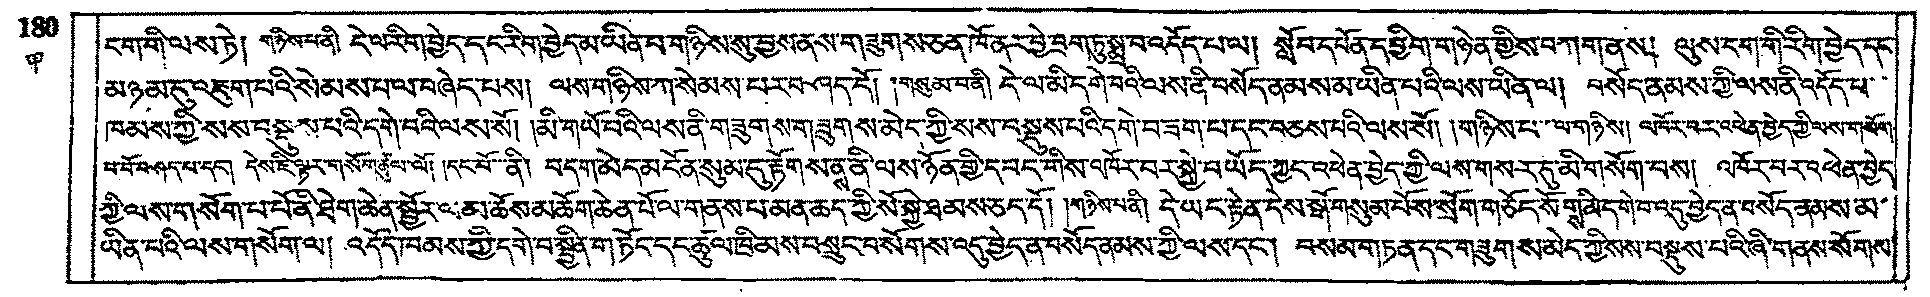ངག་གི་ལས་ཏེ། གཉིས་པ་ནི།  དེ་ལ་རིག་བྱེད་དང་རིག་བྱེད་མ་ཡིན་པ་གཉིས་སུ་བྱས་ནས་གཟུགས་ཅན་ཁོ་ནར་བྱེ་བྲག་ཏུ་སྨྲ་བ་འདོད་པ་ལ། སློབ་དཔོན་དབྱིག་གཉེན་གྱིས་བཀག་ནས། ལུས་ངག་གི་རིག་བྱེད་དང་
མཉམ་དུ་འཇུག་པའི་སེམས་པ་ལ་བཞེད་པས། ལས་གཉིས་ཀ་སེམས་པར་བཤད་དོ། ། གསུམ་པ་ནི། དེ་ལ་མི་དགེ་བའི་ལས་ནི་བསོད་ནམས་མ་ཡིན་པའི་ལས་ཡིན་ལ། བསོད་ནམས་ཀྱི་ལས་ནི་འདོད་པ་
ཁམས་ཀྱི་སས་བསྡུས་པའི་དགེ་བའི་ལས་སོ། །མི་གཡོ་བའི་ལས་ནི་གཟུགས་གཟུགས་མེད་ཀྱི་སས་བསྡུས་པའི་དགེ་བ་ཟག་པ་དང་བཅས་པའི་ལས་སོ། །གཉིས་པལ་གཉིས། འཁོར་བར་འཕེན་བྱེད་ཀྱི་ལས་གསོག་
པ་པོ་བཤད་པ་དང་། དེས་ཇི་ལྟར་གསོག་ཚུལ་ལོ། །དང་པོནི། བདག་མེད་མངོན་སུམ་དུ་རྟོགས་ནས་ནི་ལས་ཉོན་གྱི་དབང་གིས་འཁོར་བར་སྐྱེ་བ་ཡོད་ཀྱང་འཕེན་བྱེད་ཀྱི་ལས་གསར་དུ་མི་གསོག་པས། འཁོར་བར་འཕེན་བྱེད་
ཀྱི་ལས་གསོག་པ་པོ་ནི་ཐེག་ཆེན་སྦྱོར་ལམ་ཆོས་མཆོག་ཆེན་པོ་ལ་གནས་པ་མན་ཆད་ཀྱི་སོ་སྐྱེ་ཐམས་ཅད་དོ། ། གཉིས་པ་ནི། དེ་ཡང་རྟེན་དེས་སྒོ་གསུམ་པོས་སྲོག་གཅོད་སོགས་མི་དགེ་བ་འདུ་བྱེད་ན་བསོད་ནམས་མ་
ཡིན་པའི་ལས་གསོག་ལ། འདོད་ཁམས་ཀྱི་དགེ་བ་སྦྱིན་གཏོང་དང་ཚུལ་ཁྲིམས་བསྲུང་བ་སོགས་འདུ་བྱེད་ན་བསོད་ནམས་ཀྱི་ལས་དང་། བསམ་གཏན་དང་གཟུགས་མེད་ཀྱི་སས་བསྡུས་པའི་ཞི་གནས་སོགས་